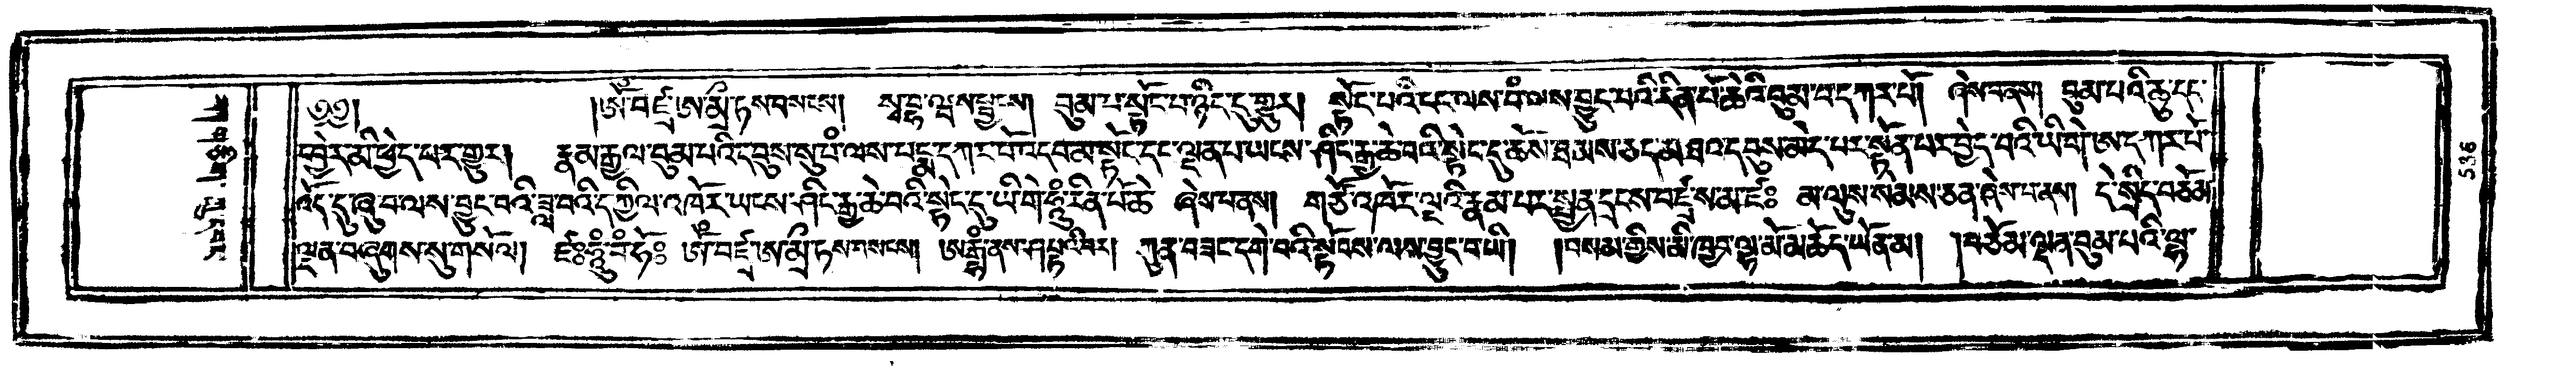༄༅། །ཨོཾ་བཛྲ་ཨམྲྀ་ཏས་བསངས། སྭ་བྷ་ཝས་སྦྱངས། བུམ་པ་སྟོང་པ་ཉིད་དུ་གྱུར། སྟོང་པའི་དང་ལས་བཾ་ལས་བྱུང་བའི་རིན་པོ་ཆེའི་བུམ་བ་དཀར་པོ། ཞེས་ལ་ནས། བུམ་པའི་ཆུ་དང་
དབྱེར་མི་ཕྱེད་པར་གྱུར། རྣམ་རྒྱལ་བུམ་པའི་དབུས་སུ་པཾ་ལས་པདམ་དཀར་པོ་འདབ་མ་སྟོང་དང་ལྡན་པ་ཡངས་ཤིང་རྒྱ་ཆེ་བའི་སྟེང་དུ་ཆོས་ཐམས་ཅད་མཐའ་དབུས་མེད་པར་སྟོན་པར་བྱེད་པའི་ཡི་གེ་ཨ་དཀར་པོ་
འོད་དུ་ཞུ་བ་ལས་བྱུང་བའི་ཟླ་བའི་དཀྱིལ་འཁོར་ཡངས་ཤིང་རྒྱ་ཆེ་བའི་སྟེང་དུ་ཡི་གེ་ཧཱུཾ་རིན་པོ་ཆེ་ཞེས་པ་ནས། གཙོ་འཁོར་ལྔའི་རྣམ་པར་སྤྱན་དྲངས་བཛྲས་མ་ཛཿ མ་ལུས་སེམས་ཅན་ཞེས་པ་ནས། དེ་སྲིད་བཅོམ་
ལྡན་བཞུགས་སུ་གསོལ། ཛཿ ཧཱུཾ་བཾ་ཧོཿ ཨོཾ་བཛྲ་ཨ་མྲྀ་ཏས་བསངས། ཨརྒྷམ་ནས་ཤཔྟའི་བར། ཀུན་བཟང་དགེ་བའི་སྟོབས་ལས་བྱུང་བ་ཡི། །བསམ་གྱིས་མི་ཁྱབ་ལྷ་མོ་མཆོད་ཡོན་མ། །བཅོམ་ལྡན་བུམ་པའི་ལྷ་